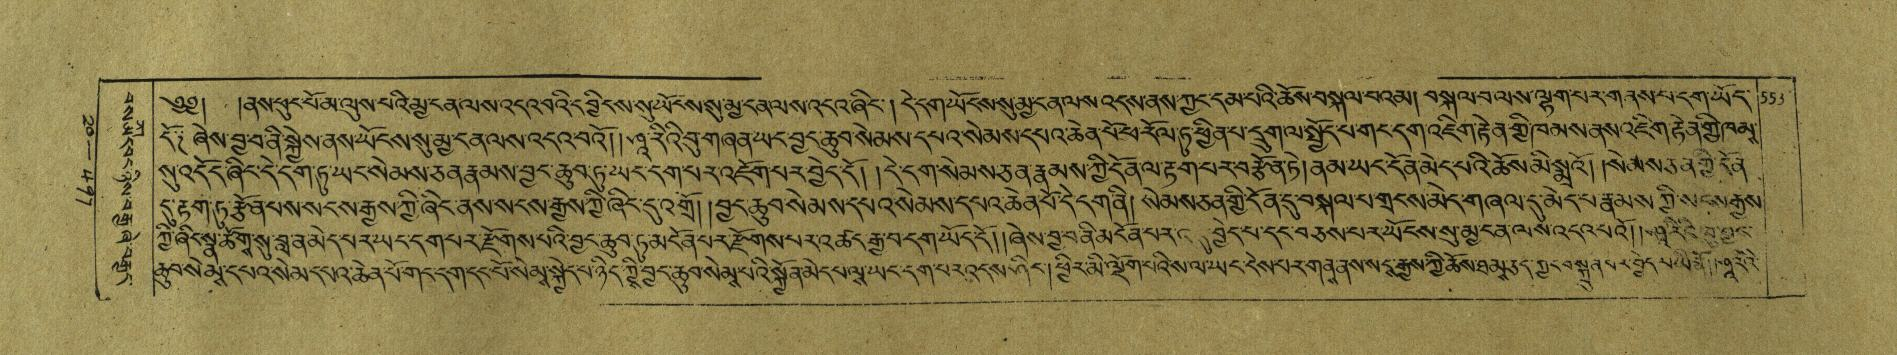༄༅། །ནས་ཕུང་པོ་མ་ལུས་པའི་མྱ་ངན་ལས་འདའ་བའི་དབྱིངས་སུ་ཡོངས་སུ་མྱ་ངན་ལས་འདའ་ཞིང་། དེ་དག་ཡོངས་སུ་མྱ་ངན་ལས་འདས་ནས་ཀྱང་དམ་པའི་ཆོས་བསྐལ་བའམ། བསྐལ་བ་ལས་ལྷག་པར་གནས་པ་དག་ཡོད་
དོ༑ ཞེས་བྱ་བ་ནི་སྐྱེས་ནས་ཡོངས་སུ་མྱ་ངན་ལས་འདའ་བའོ། །ཤཱ་རིའི་བུ་གཞན་ཡང་བྱང་ཆུབ་སེམས་དཔའ་སེམས་དཔའ་ཆེན་པོ་ཕ་རོལ་ཏུ་ཕྱིན་པ་དྲུག་ལ་སྤྱོད་པ་གང་དག་འཇིག་རྟེན་གྱི་ཁམས་ནས་འཇིག་རྟེན་གྱི་ཁམས་
སུ་འདོད་ཞིང་དེ་དག་ཏུ་ཡང་སེམས་ཅན་རྣམས་བྱང་ཆུབ་ཏུ་ཡང་དག་པར་འཇོག་པར་བྱེད་དོ། །དེ་དག་སེམས་ཅན་རྣམས་ཀྱི་དོན་ལ་རྟག་པར་བརྩོན་ཏེ། ནམ་ཡང་དོན་མེད་པའི་ཆོས་མི་སྨྲའོ། །སེམས་ཅན་གྱི་དོན་
དུ་རྟག་ཏུ་རྩོན་པས་སངས་རྒྱས་ཀྱི་ཞིང་ནས་སངས་རྒྱས་ཀྱི་ཞིང་དུ་འགྲོ། །བྱང་ཆུབ་སེམས་དཔའ་སེམས་དཔའ་ཆེན་པོ་དེ་དག་ནི། སེམས་ཅན་གྱི་དོན་དུ་བསྐལ་པ་གྲངས་མེད་གཞལ་དུ་མེད་པ་རྣམས་ཀྱི་སངས་རྒྱས་
ཀྱི་ཞིང་སྣ་ཚོགས་སུ་བླ་ན་མེད་པར་ཡང་དག་པར་རྫོགས་པའི་བྱང་ཆུབ་ཏུ་མངོན་པར་རྫོགས་པར་འཚང་རྒྱ་བ་དག་ཡོད་དོ། །ཞེས་བྱ་བ་ནི་མངོན་པར་འདུ་བྱེད་པ་དང་བཅས་པར་ཡོངས་སུ་མྱ་ངན་ལས་འདའ་པའོ། །ཤཱ་རིའི་བུ་བྱང་
ཆུབ་སེམས་དཔའ་སེམས་དཔའ་ཆེན་པོ་གང་དག་དང་པོ་སེམས་སྐྱེད་པ་ཉིད་ཀྱིས་བྱང་ཆུབ་སེམས་པའི་སྐྱོན་མེད་པ་ལས་ཡང་དག་པར་འདས་ཤིང་། ཕྱིར་མི་ལྡོག་པའི་ས་ལ་ཡང་ངེས་པར་གནས་ནས་སངས་རྒྱས་ཀྱི་ཆོས་ཐམས་ཅད་ཀྱང་བསྐྲུན་པར་བྱེད་པ་ཡོད། །ཤཱ་རིའི་